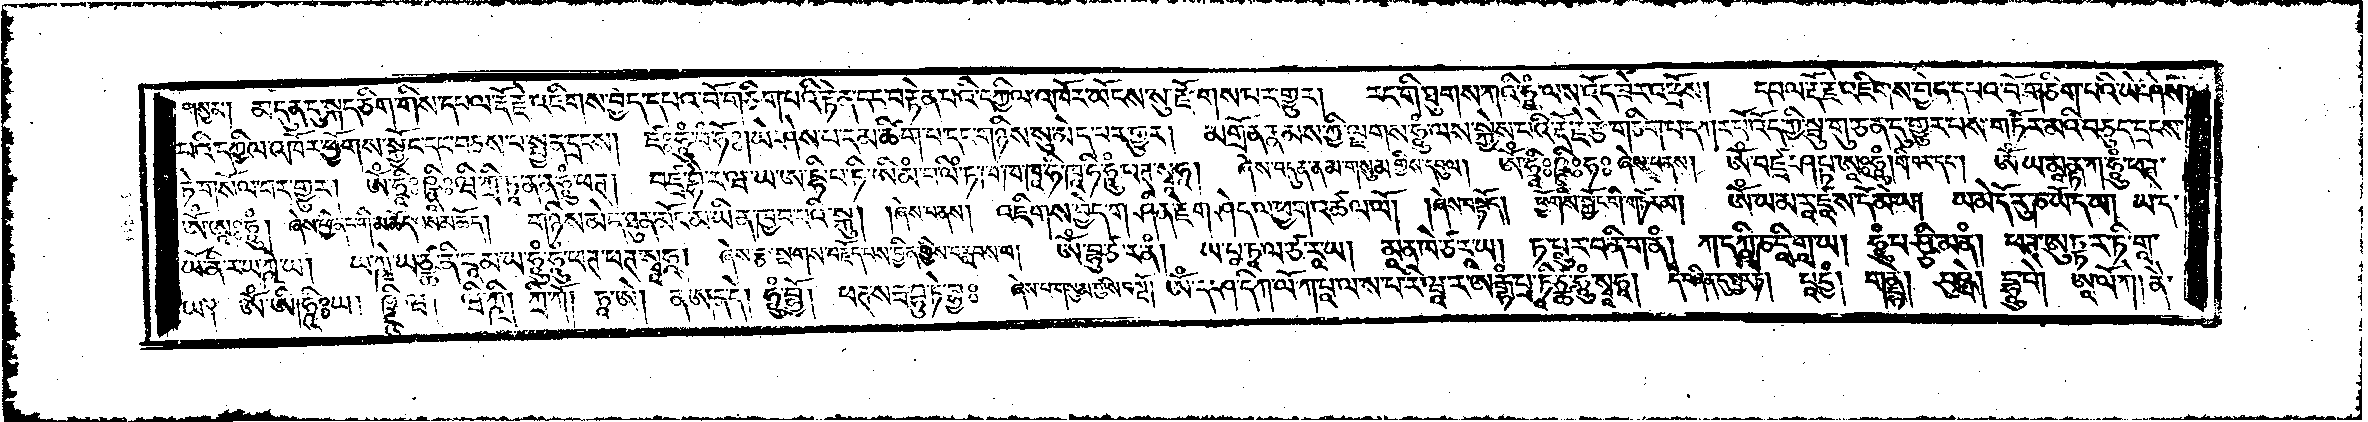གསྱམ། མདུན་དུ་སྐད་ཅིག་གིས་དཔལ་རྡོ་རྗེ་འཇིགས་བྱེད་དཔའ་བོ་གཅིག་པའི་རྟེན་དང་བརྟེན་པའི་དཀྱིལ་འཁོར་ཡོངས་སུ་རྫོགས་པར་གྱུར། རང་གི་ཐུགས་ཀའི་ཧཱཾ་ལས་འོད་ཟེར་འཕྲོས། དཔལ་རྡོ་རྗེ་འཇིགས་བྱེད་དཔའ་བོ་གཅིག་པའི་ཡེ་ཤེས་
པའི་དཀྱིལ་འཁོར་ཕྱོགས་སྐྱོང་དང་བཅས་པ་སྤྱན་དྲངས། ཛཿཧཱུཾ་པཾ་ཧོཿ། ཡེ་ཤེས་པ་དམ་ཚིག་པ་དང་གཉིས་སུ་མེད་པར་གྱུར། མགྲོན་རྣམས་ཀྱི་ལྗགས་ཧཱུཾ་ལས་སྐྱེས་པའི་རྡོ་རྗེ་རྩེ་གཅིག་པ་དཀར་པོ་འོད་ཀྱི་སྦུ་གུ་ཅན་དུ་གྱུར་པས་གཏོར་མའི་བཅུད་དྲངས་
ཏེ་གསོལ་བར་གྱུར། ཨོཾ་ཧྲཱིཿཥྞཱིཿ ཝི་ཀྲི་ཏཱ་ན་ན་ཧཱུཾ་ཕཌ། བཛྲ་བྷཻ་ར་ཝ་ཡ་ཨ་དྷི་པ་ཏི་ཨི་མཾ་བ་ལིཾ་ཏ་ཁ་ཁ་ཁཱ་ཧི་ཁཱ་ཧི་ཧཱུཾ་ཕཌ་སྭཱཧཱ། ཞེས་བདུན་ནམ་གསུམ་གྱིས་དབུལ།  ཨོཾ་ཧྲཱིཿཥྚཱིཿཧཿ ཞེས་པ་ནས།  ཨོཾ་བཛྲ་ཤཔྟ་ཨཱཿཧཱུཾ། གི་བར་དང་།  ཨོཾ་ཡ་མཱནྟ་ཀ་ཧཱུཾ་ཕཌ་
ཨོཾ་ཨཱཿཧཱུཾ། ཞེས་ཕྱི་ནང་གི་མཆོད་པས་མཆོད།  གཉིས་མེད་ཐུན་མོང་མ་ཡིན་ཁྱབ་པའི་སྐུ། ཞེས་པ་ནས།  འཇིགས་བྱེད་གཤིན་རྗེ་གཤེད་ལ་ཕྱག་འཚལ་ལོ། །ཞེས་བསྟོད། ཕྱོགས་སྐྱོང་གི་གཏོར་མ།  ཨོཾ་ཡ་མ་རཱ་ཛཱ་ས་དོ་མེ་ལ། ཡ་མེ་དོ་རུ་ཎ་ཡོད་མ། ཡ་ད་
ཡོ་ནི་ར་ཡ་ཀྵེ་ཡ། ཡ་ཀྵེ་ཡ་ཙྪ་ནི་རཱ་མ་ཡ་ཧཱུཾ་ཧཱུཾ་ཕཌ་ཕཌ་སྭཱཧཱ། ཞེས་རྩ་སྔགས་བརྗོད་པས་བྱིན་གྱིས་བརླབས་པ།  ཨོཾ་བྷུ་ཙ་ར་ནཾ། ཡ་པཱ་ཏཱ་ལ་ཙ་རཱ་ཡ། མཱན་ཁེ་ཙ་རཱ་ཡ། ཏ་པཱུར་བ་ནི་གནཾ། ཀ་དཀྵི་ཎ་དཱི་གཱ་ཡ། ཧཱུཾ་པ་ཤྩི་མ་ནཾ། ཕཌ་ཨུཏྟ་ར་ཏི་གཱ་
ཡ༑ ཨོཾ་ཨི། ཧཱིཿཡ། ཥྚཱི་ཝ། ཝི་ཀྵི། ཀྲི་ཀོ། ཏཱ་ཨེ། ན་ཨ་ན་དེ། ཧཱུཾ་བྷྱོ། ཕཌ་སརྦ་བྷུ་ཏེ་བྷྱཿ ཞེས་པ་གསུམ་གྱིས་བསྔོ།  ཨོཾ་ད་ཤ་དིཀ་ལོ་ཀ་པཱ་ལ་ས་པ་རི་ཝཱ་ར་ཨརྒྷཾ་པྲ་ཏཱི་ཙྪ་ཧཱུཾ་སྭཱཧཱ། དེ་བཞིན་དུ་སྦྱར་ཏེ།  པཱདྷྱཾ། གནྡྷ། པུཥྤེ། དྷཱུ་པེ། ཨཱ་ལོ་ཀེ། ནཻ་